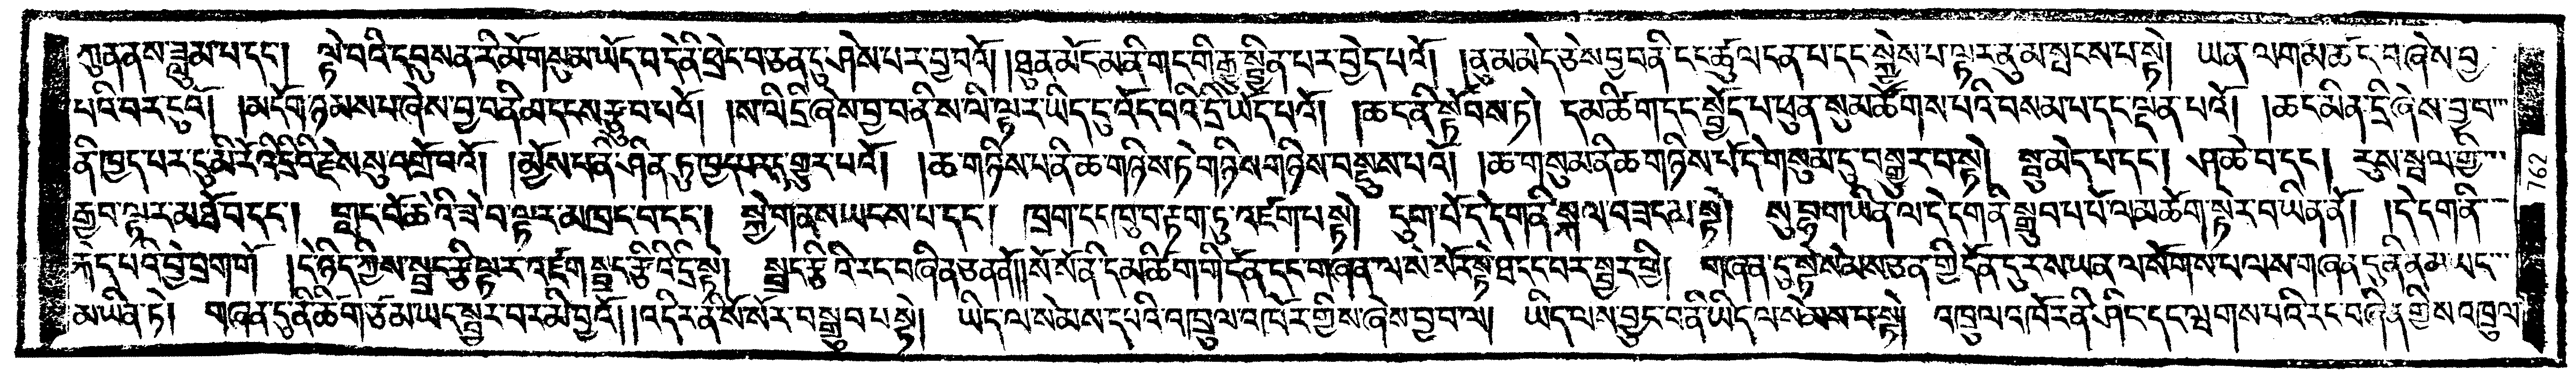ཀུན་ནས་ཟླུམ་པ་དང་། ལྟེ་བའི་དབུས་ན་རི་མོ་གསུམ་ཡོད་པ་དེ་ནི་ཕྲེང་བ་ཅན་དུ་ཤེས་པར་བྱ་བའོ། །ཐུན་མོང་མ་ནི་གང་གི་རྒྱུ་སྦྱིན་པར་བྱེད་པའོ། །ནུ་མ་མེད་ཅེས་བྱ་བ་ནི་ངང་ཚུལ་ངན་པ་དང་སྐྱེས་པ་ལྟར་ནུ་མ་སྤངས་པ་སྟེ། ཡན་ལག་མ་ཚང་བ་ཞེས་བྱ་
པའི་བར་དུའོ། །མདོག་ཉམས་པ་ཞེས་བྱ་བ་ནི་མདངས་རྩུབ་པའོ། །ས་ལི་དྲི་ཞེས་བྱ་བ་ནི་ས་ལི་ལྟར་ཡིད་དུ་འོང་བའི་དྲི་ཡོད་པའོ། །ཆང་ནི་སྟོབས་ཏེ། དམ་ཚིག་དང་སྤྱོད་པ་ཕུན་སུམ་ཚོགས་པའི་བསམ་པ་དང་ལྡན་པའོ། །ཆང་མིན་དྲི་ཞེས་བྱ་བ་
ནི་ཁྱད་པར་དུ་མི་རོའི་དྲིའི་རྗེས་སུ་འགྲོ་བའོ། །མྱོས་པ་ནི་ཤིན་ཏུ་ཁྱད་པར་དུ་གྱུར་པའོ། །ཆ་གཉིས་པ་ནི་ཆ་གཉིས་ཏེ་གཉིས་གཉིས་བསྡུས་པའོ། །ཆ་གསུམ་ནི་ཆ་གཉིས་པོ་དེ་གསུམ་དུ་བསྒྱུར་བ་སྟེ། སྤུ་མེད་པ་དང་། ཤ་ཆེ་བ་དང་། རུས་སྦལ་གྱི་
རྒྱབ་ལྟར་མཐོ་བ་དང་། གླང་པོ་ཆེའི་ཟེ་བ་ལྟར་མཁྲད་པ་དང་། སྐྱེ་གནས་ཡངས་པ་དང་། ཁྲག་དང་ཁུ་བ་རྟག་ཏུ་འཛག་པ་སྟེ། དུག་པོ་དེ་དག་ནི་སྐལ་བཟང་མ་སྟེ། སུ་བྷ་ག་ཡིན་ལ་དེ་དག་ནི་སྒྲུབ་པ་པོ་ལ་མཆོག་སྟེར་བ་ཡིན་ནོ། །དེ་དག་ནི་
རྐེད་པའི་བྱེ་བྲག་གོ །དེ་ཉིད་ཀྱིས་སྦྲང་རྩི་ལྟར་འཛག་སྦྲང་རྩིའི་དྲི་སྟེ། སྦྲང་རྩིའི་རང་བཞིན་ཅན་ནོ། །སོ་སོ་ནི་དམ་ཚིག་གི་དོན་དང་གཞན་ལ་སོ་སོར་སྟེ་ཐ་དད་པར་སྦྱར་གྱི། གཞན་དུ་སྟེ་སེམས་ཅན་གྱི་དོན་དུ་རས་ཡན་ལ་སོགས་པ་ལས་གཞན་དུ་ནི་ནམ་ཡང་
མ་ཡིན་ཏེ། གཞན་དུ་ནི་ཚིག་ཙམ་ཡང་སྦྱར་བར་མི་བྱའོ། །འདིར་ནི་སོ་སོར་བསྒྲུབ་པ་སྟེ། ཡིད་ལ་སེམས་དཔའི་འཁྲུལ་འཁོར་གྱིས་ཞེས་བྱ་བ་ལ། ཡིད་ལས་བྱུང་བ་ནི་ཡིད་ལ་སེམས་པ་སྟེ། འཁྲུལ་འཁོར་ནི་ཤིང་དང་ལྤགས་པའི་རང་བཞིན་གྱིས་འཁྲུལ་